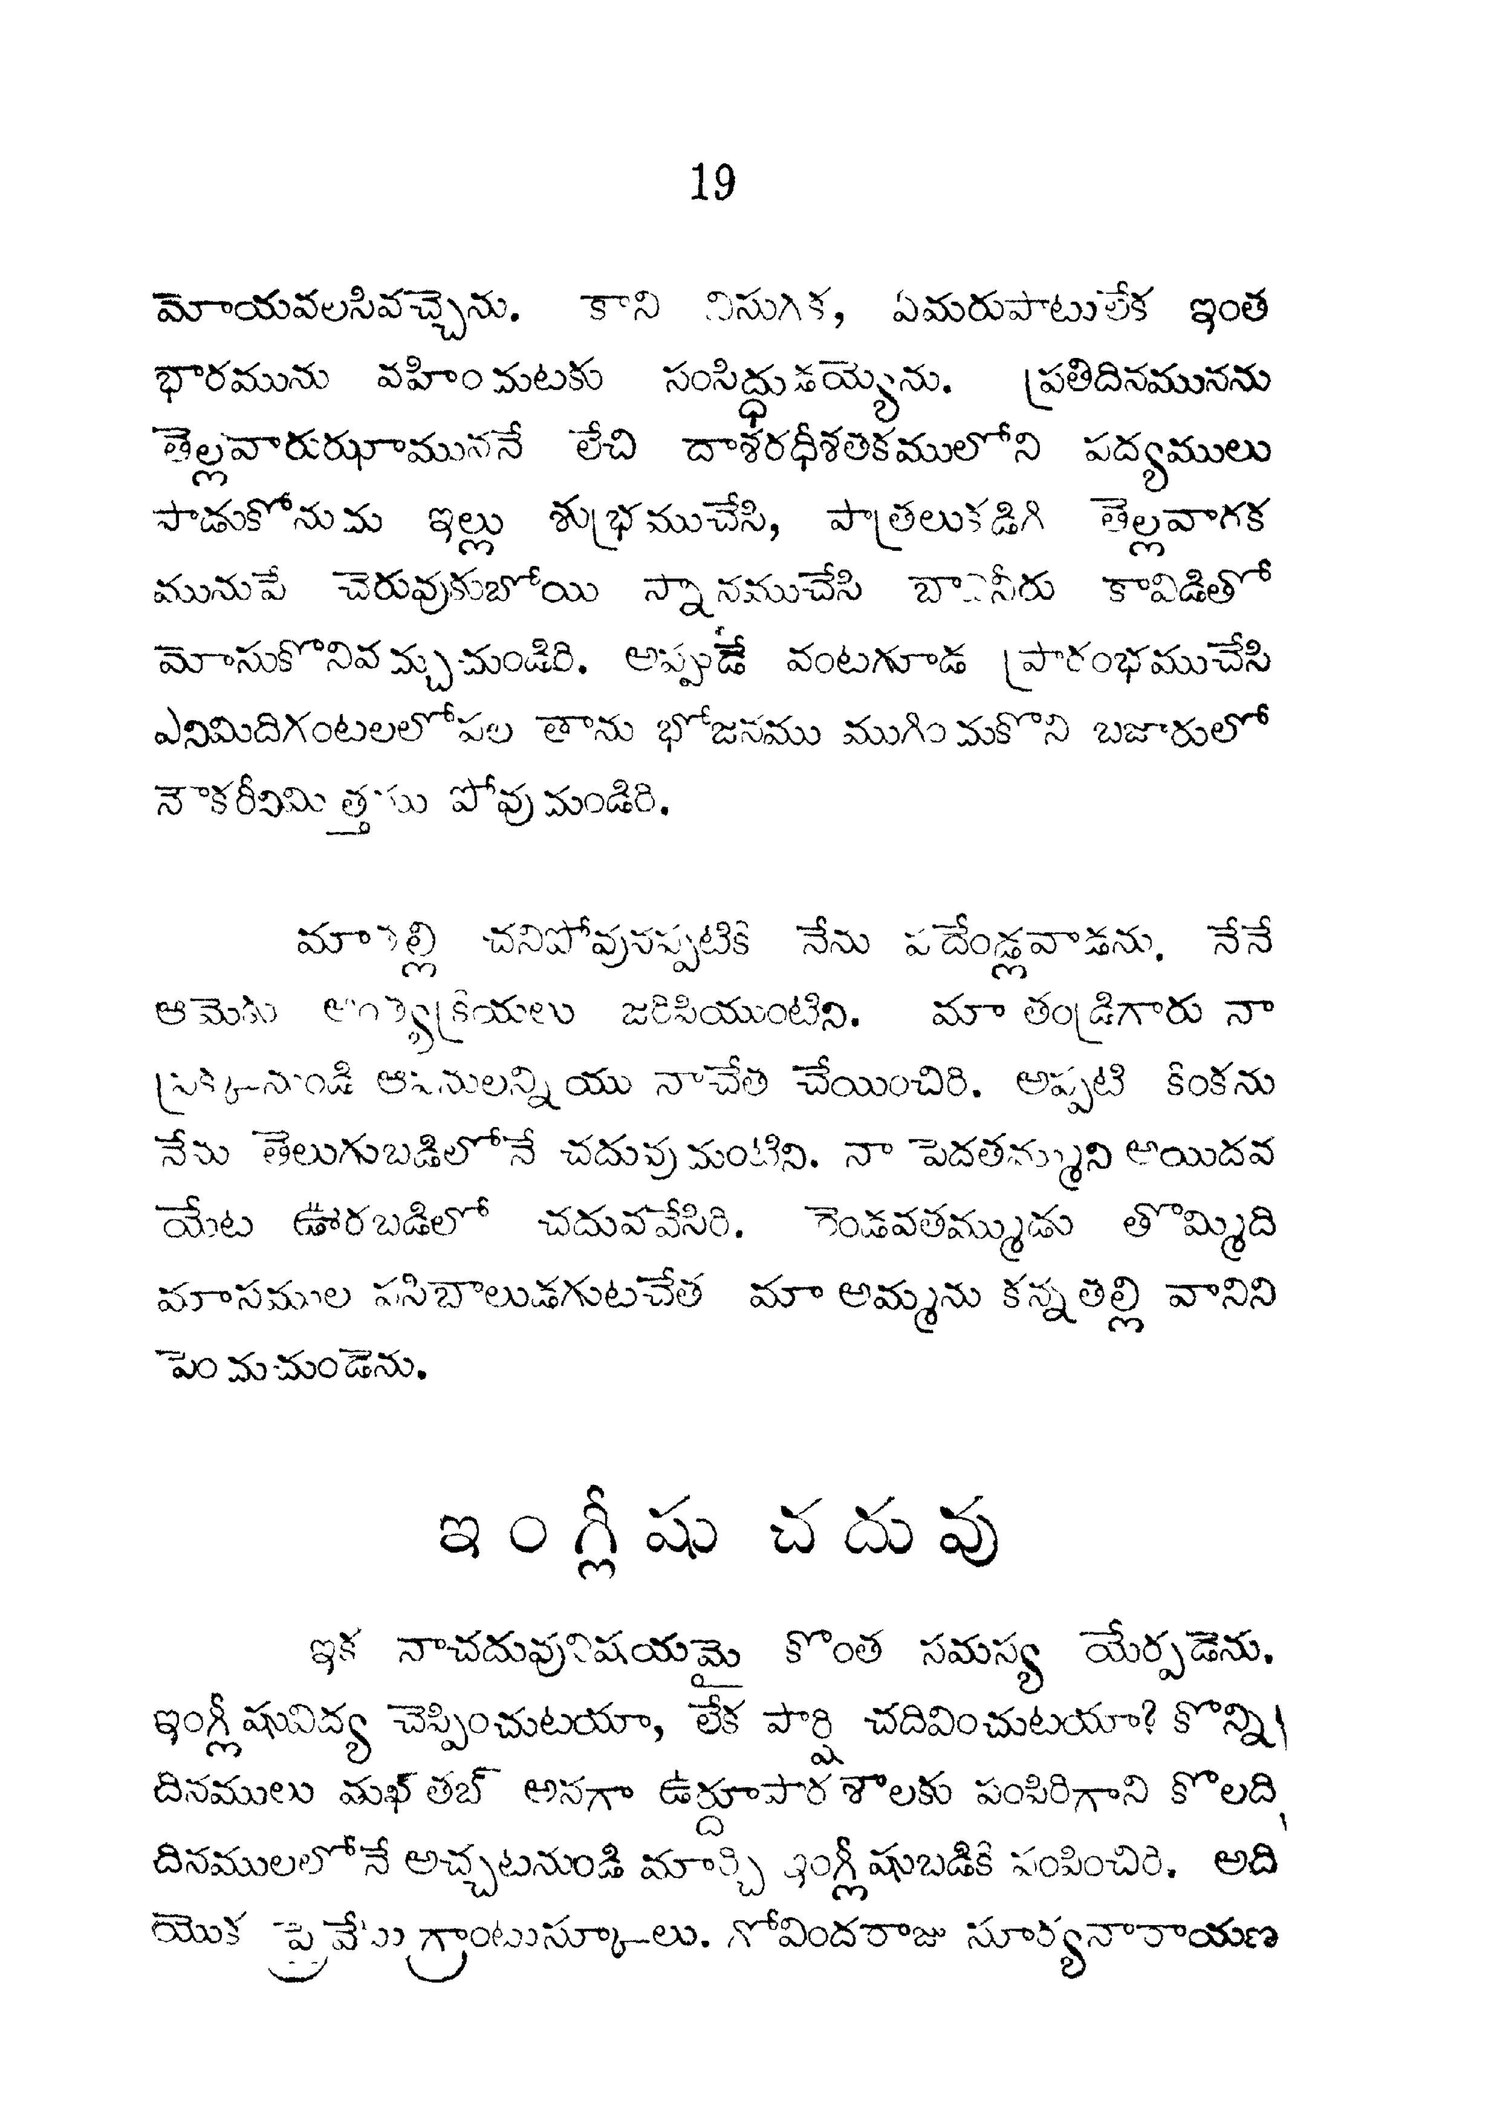మోయవలసివచ్చెను. కాని విసుగక, ఏమరుపాటులేక ఇంత భారమును వహించుటకు సంసిద్ధుడయ్యెను. ప్రతిదినమునను తెల్లవారుఝాముననే లేచి దాశరధీశతకములోని పద్యములు పాడుకొనుచు ఇల్లు శుభ్రముచేసి, పాత్రలుకడిగి తెల్లవారకమునుపే చెరువుకుబోయి స్నానముచేసి బావినీరు కావిడితో మోసుకొనివచ్చుచుండిరి. అప్పుడే వంటగూడ ప్రారంభముచేసి ఎనిమిదిగంటలలోపల తాను భోజనము ముగించుకొని బజారులో నౌకరీనిమిత్తము పోవుచుండిరి.

మాతల్లి చనిపోవునప్పటికి నేను పదేండ్లవాడను. నేనే ఆమెకు అంత్యక్రియలు జరిపియుంటిని. మా తండ్రిగారు నా ప్రక్కనుండి ఆపనులన్నియు నాచేత చేయించిరి. అప్పటి కింకను నేను తెలుగుబడిలోనే చదువుచుంటిని. నా పెదతమ్ముని అయిదవయేట ఊరబడిలో చదువవేసిరి. రెండవతమ్ముడు తొమ్మిది మాసముల పసిబాలుడగుటచేత మా అమ్మను కన్నతల్లి వానిని పెంచుచుండెను. 

ఇక నాచదువువిషయమై కొంత సమస్య యేర్పడెను. ఇంగ్లీషువిద్య చెప్పించుటయా, లేక పార్షి చదివించుటయా? కొన్ని దినములు మఖ్‌తబ్ అనగా ఉర్దూపాఠశాలకు పంపిరిగాని కొలది దినములలోనే అచ్చటనుండి మార్చి ఇంగ్లీషుబడికి పంపించిరి. అదియొక ప్రైవేటుగ్రాంటుస్కూలు. గోవిందరాజు సూర్యనారాయణ